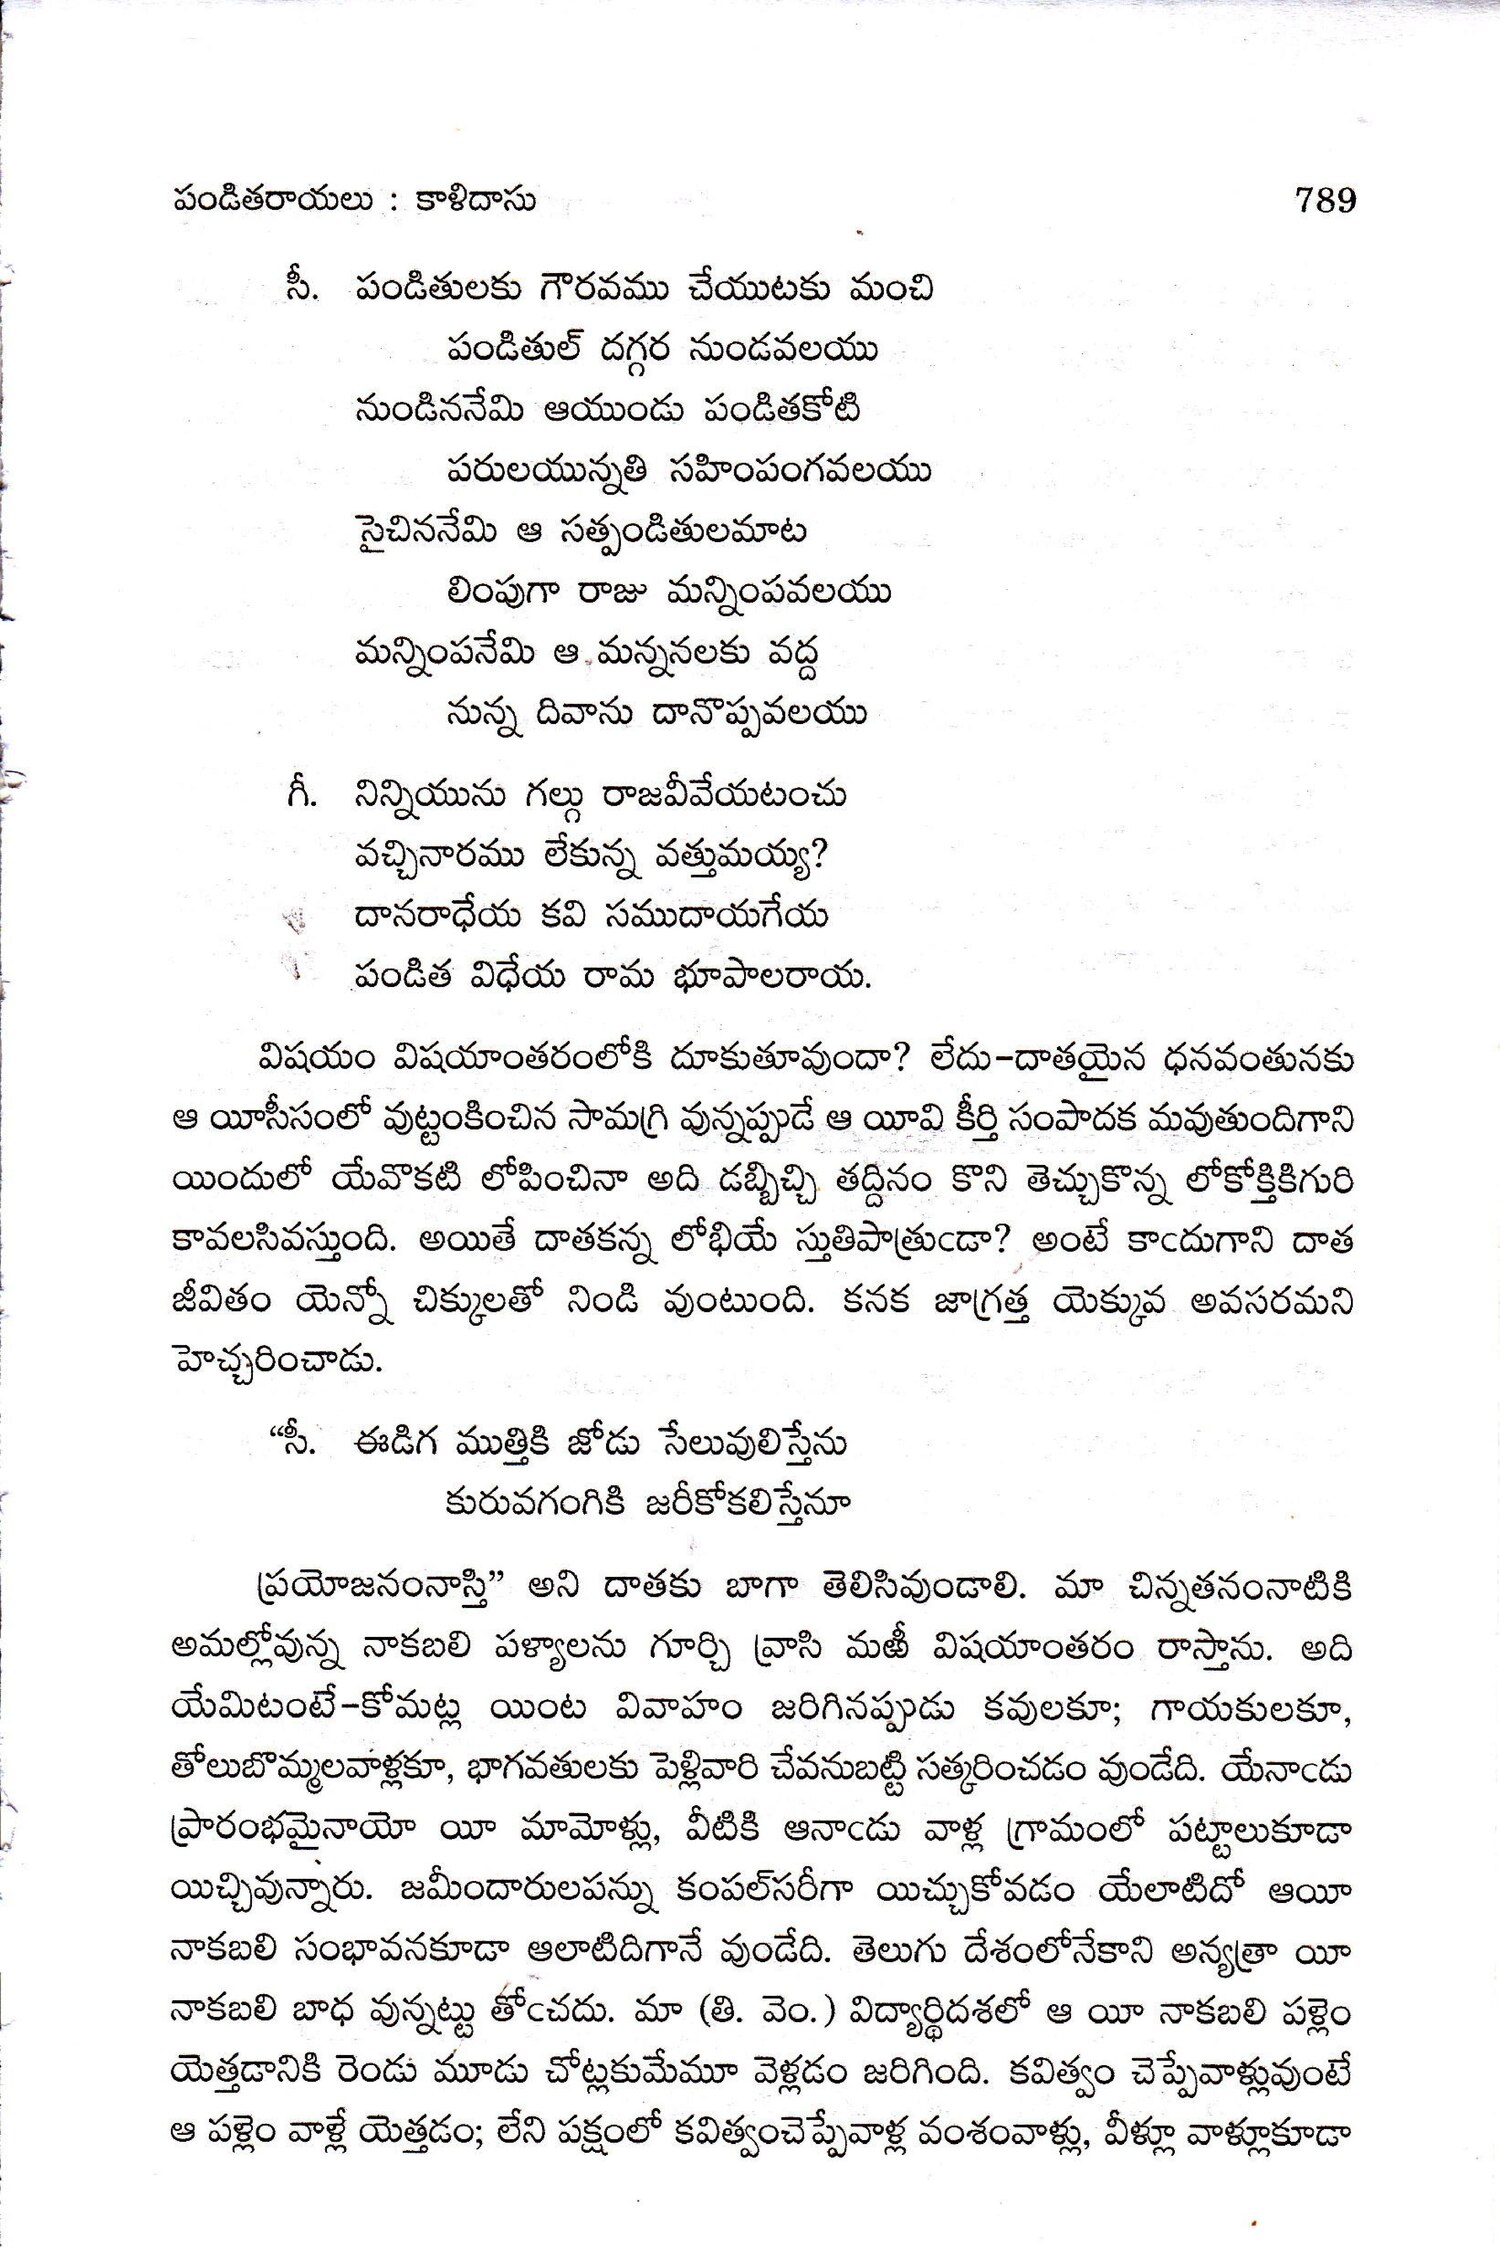సీ. పండితులకు గౌరవము చేయుటకు మంచి
 పండితుల్ దగ్గర నుండవలయు
 నుండిననేమి ఆయుండు పండితకోటి
 పరులయున్నతి సహింపంగవలయు
 సైచిననేమి ఆ సత్పండితులమాట
 లింపుగా రాజు మన్నింపవలయు
 మన్నింపనేమి ఆ.మన్ననలకు వద్ద
 నున్న దివాను దానొప్పవలయు

గీ. నిన్నియును గల్గు రాజవీవేయటంచు
 వచ్చినారము లేకున్న వత్తుమయ్య?
 దానరాధేయ కవి సముదాయగేయ
 పండిత విధేయ రామ భూపాలరాయ,
విషయం విషయాంతరంలోకి దూకుతూవుందా? లేదు - దాతయైన ధనవంతునకు ఆ యీసీసంలో వుట్టంకించిన సామగ్రి వున్నప్పుడే ఆ యీవి కీర్తి సంపాదక మవుతుందిగాని యిందులో యేవొకటి లోపించినా అది డబ్బిచ్చి తద్దినం కొని తెచ్చుకొన్న లోకోక్తికిగురి కావలసివస్తుంది. అయితే దాతకన్న లోభియే స్తుతిపాత్రుఁడా? అంటే కాఁదుగాని దాత జీవితం యెన్నో చిక్కులతో నిండి వుంటుంది. కనక జాగ్రత్త యెక్కువ అవసరమని హెచ్చరించాడు.

“సీ. ఈడిగ ముత్తికి జోడు సేలువులిస్తేను 
 కురువగంగికి జరీకోకలిస్తేనూ
ప్రయోజనంనాస్తి" అని దాతకు బాగా తెలిసివుండాలి. మా చిన్నతనంనాటికి అమల్లోవున్న నాకబలి పళ్యాలను గూర్చి వ్రాసి మఱీ విషయాంతరం రాస్తాను. అది యేమిటంటే-కోమట్ల యింట వివాహం జరిగినప్పుడు కవులకూ; గాయకులకూ, తోలుబొమ్మలవాళ్లకూ, భాగవతులకు పెళ్లివారి చేవనుబట్టి సత్కరించడం వుండేది. యేనాఁడు ప్రారంభమైనాయో యీ మామోళ్లు, వీటికి ఆనాఁడు వాళ్ల గ్రామంలో పట్టాలుకూడా యిచ్చివున్నారు. జమీందారులపన్ను కంపల్‌సరీగా యిచ్చుకోవడం యేలాటిదో ఆయీ నాకబలి సంభావనకూడా ఆలాటిదిగానే వుండేది. తెలుగు దేశంలోనేకాని అన్యత్రా యీ నాకబలి బాధ వున్నట్టు తోఁచదు. మా (తి. వెం.) విద్యార్థిదశలో ఆ యీ నాకబలి పళ్లెం యెత్తడానికి రెండు మూడు చోట్లకుమేమూ వెళ్లడం జరిగింది. కవిత్వం చెప్పేవాళ్లువుంటే ఆ పళ్లెం వాళ్లే యెత్తడం; లేని పక్షంలో కవిత్వంచెప్పేవాళ్ల వంశంవాళ్లు, వీళ్లూ వాళ్లూకూడా